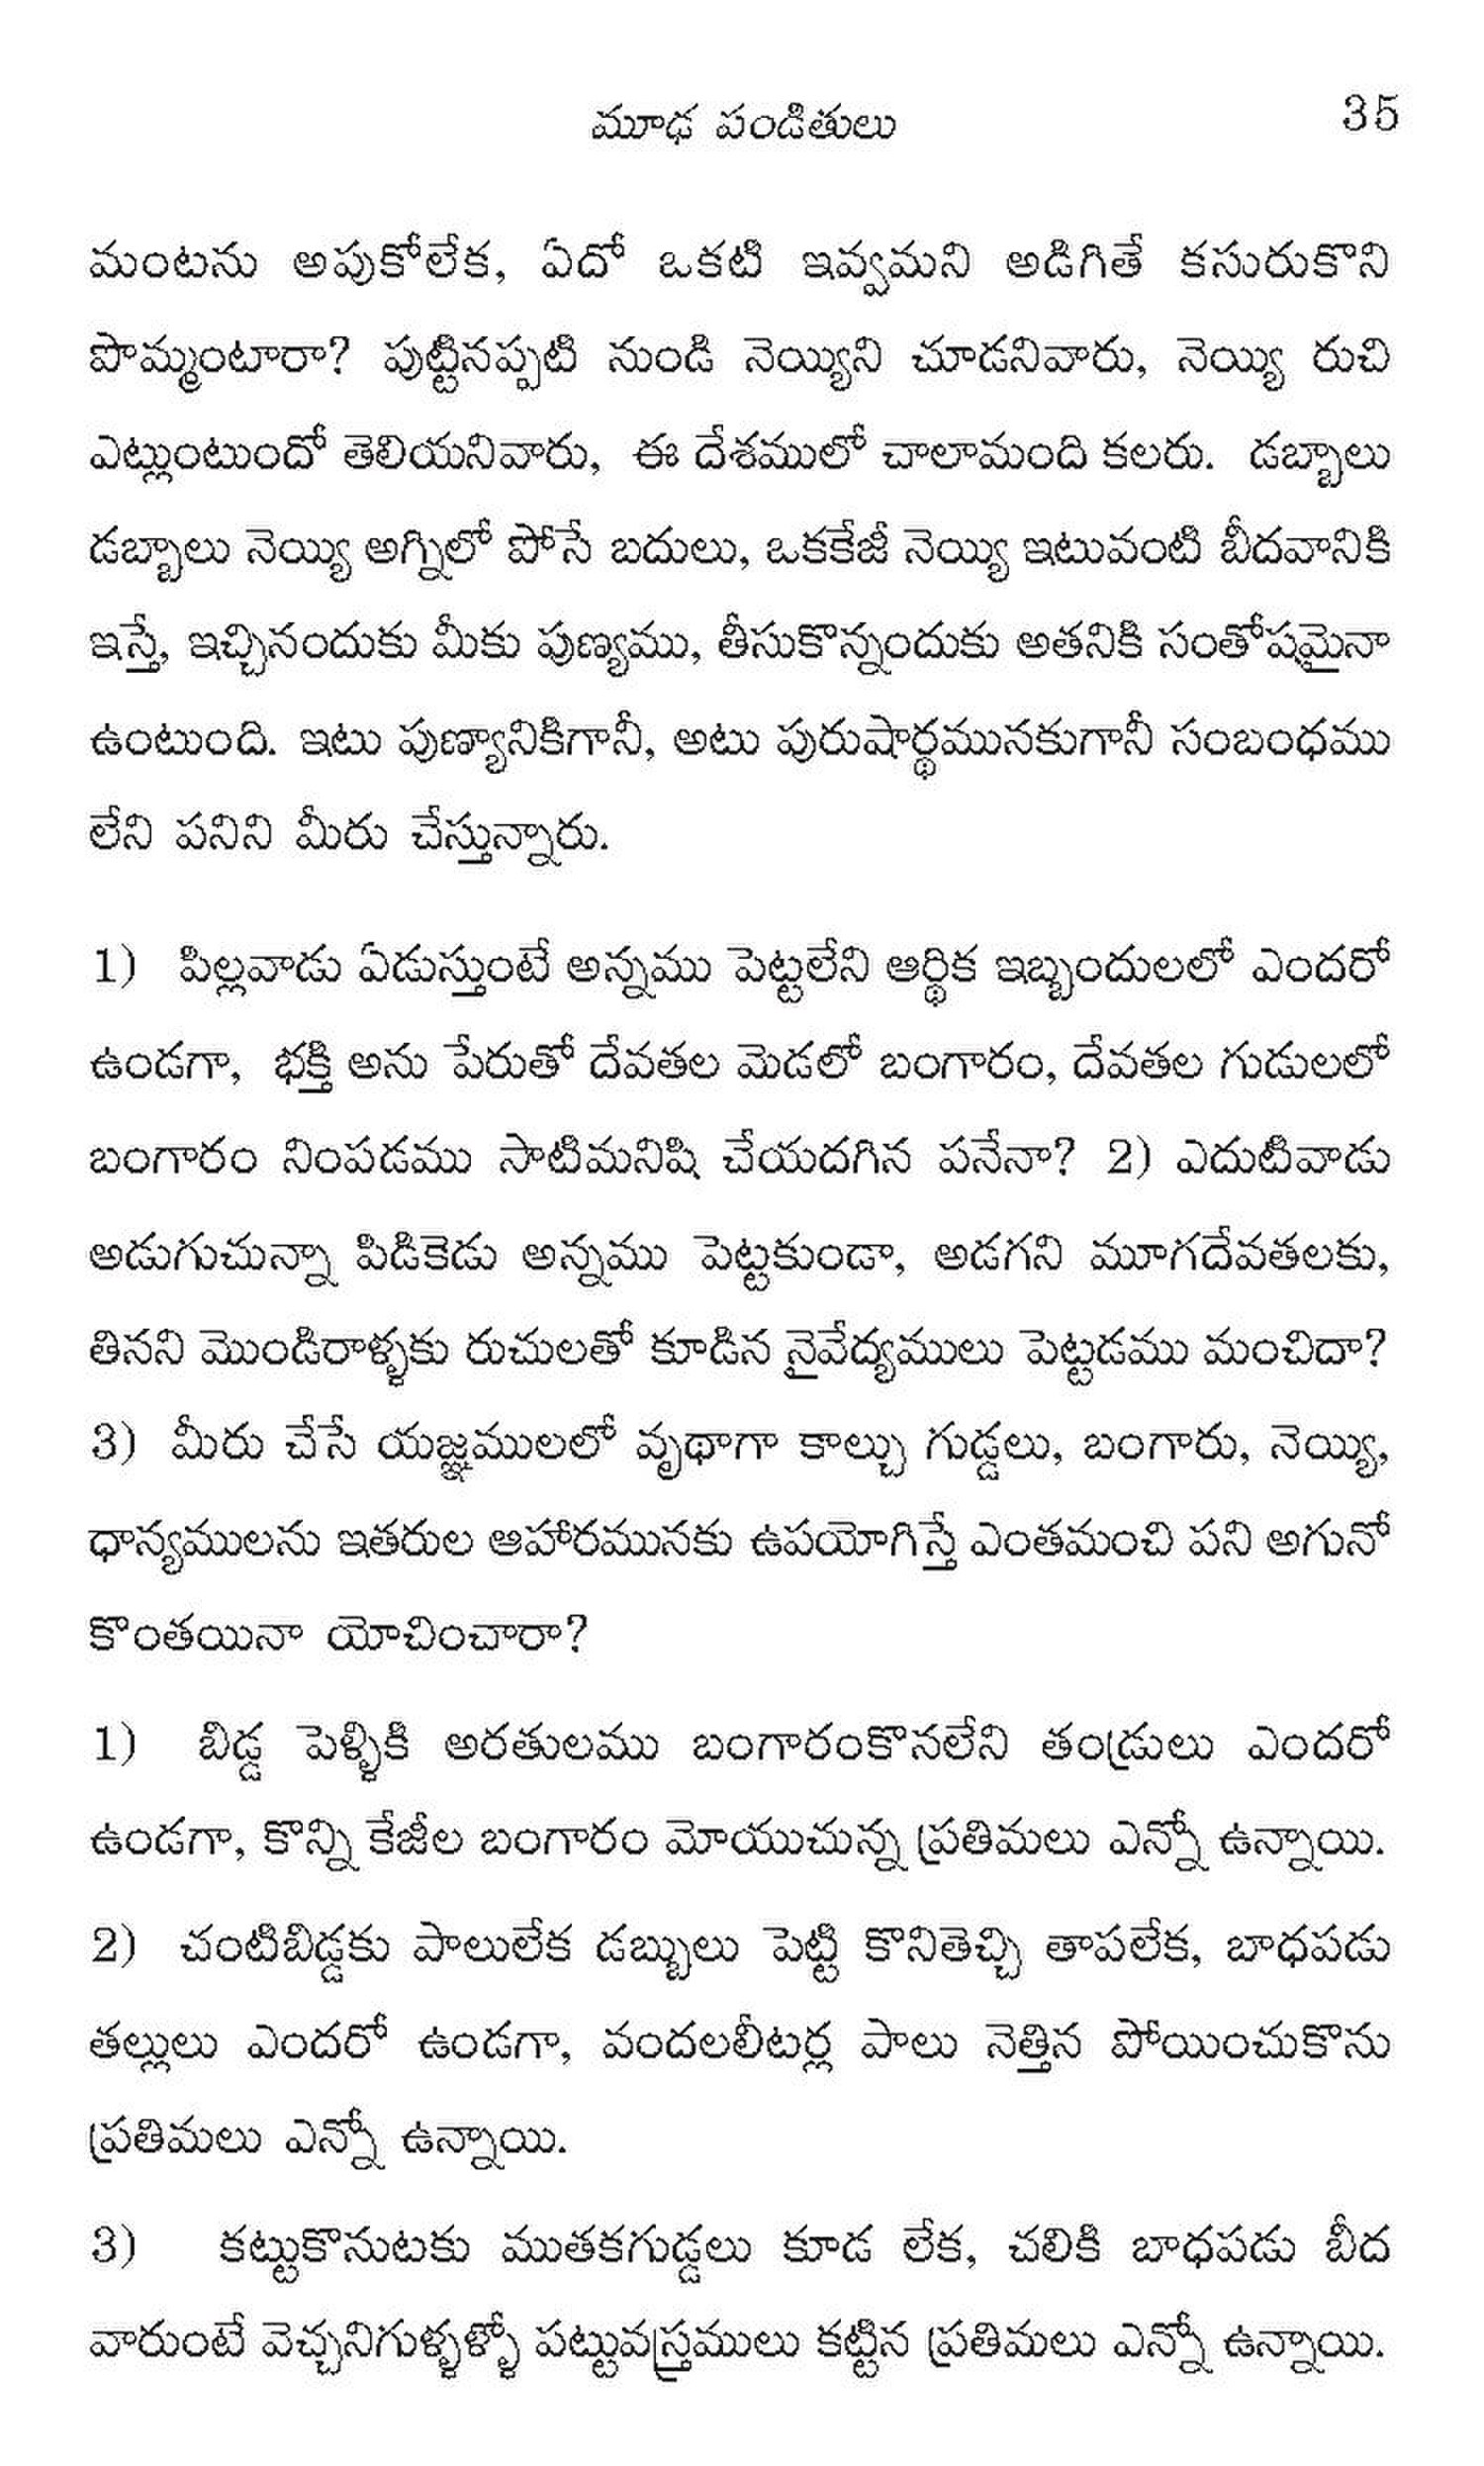మంటను అపుకోలేక, ఏదో ఒకటి ఇవ్వమని అడిగితే కసురుకొని పొమ్మంటారా? పుట్టినప్పటి నుండి నెయ్యిని చూడనివారు, నెయ్యి రుచి ఎట్లుంటుందో తెలియనివారు, ఈ దేశములో చాలామంది కలరు. డబ్బాలు డబ్బాలు నెయ్యి అగ్నిలో పోసే బదులు, ఒకకేజీ నెయ్యి ఇటువంటి బీదవానికి ఇస్తే, ఇచ్చినందుకు మీకు పుణ్యము, తీసుకొన్నందుకు అతనికి సంతోషమైనా ఉంటుంది. ఇటు పుణ్యానికిగానీ, అటు పురుషార్థమునకుగానీ సంబంధము లేని పనిని మీరు చేస్తున్నారు.
1) పిల్లవాడు ఏడుస్తుంటే అన్నము పెట్టలేని ఆర్థిక ఇబ్బందులలో ఎందరో ఉండగా, భక్తి అను పేరుతో దేవతల మెడలో బంగారం, దేవతల గుడులలో బంగారం నింపడము సాటిమనిషి చేయదగిన పనేనా? 2) ఎదుటివాడు అడుగుచున్నా పిడికెడు అన్నము పెట్టకుండా, అడగని మూగదేవతలకు, తినని మొండిరాళ్ళకు రుచులతో కూడిన నైవేద్యములు పెట్టడము మంచిదా? 3) మీరు చేసే యజ్ఞములలో వృథాగా కాల్చు గుడ్డలు, బంగారు, నెయ్యి, ధాన్యములను ఇతరుల ఆహారమునకు ఉపయోగిస్తే ఎంతమంచి పని అగునో కొంతయినా యోచించారా?

1) బిడ్డ పెళ్ళికి అరతులము బంగారంకొనలేని తండ్రులు ఎందరో ఉండగా, కొన్ని కేజీల బంగారం మోయుచున్న ప్రతిమలు ఎన్నో ఉన్నాయి.

2) చంటిబిడ్డకు పాలులేక డబ్బులు పెట్టి కొనితెచ్చి తాపలేక, బాధపడు తల్లులు ఎందరో ఉండగా, వందలలీటర్ల పాలు నెత్తిన పోయించుకొను ప్రతిమలు ఎన్నో ఉన్నాయి.

3) కట్టుకొనుటకు ముతకగుడ్డలు కూడ లేక, చలికి బాధపడు బీద వారుంటే వెచ్చనిగుళ్ళళ్ళో పట్టువస్త్రములు కట్టిన ప్రతిమలు ఎన్నో ఉన్నాయి.